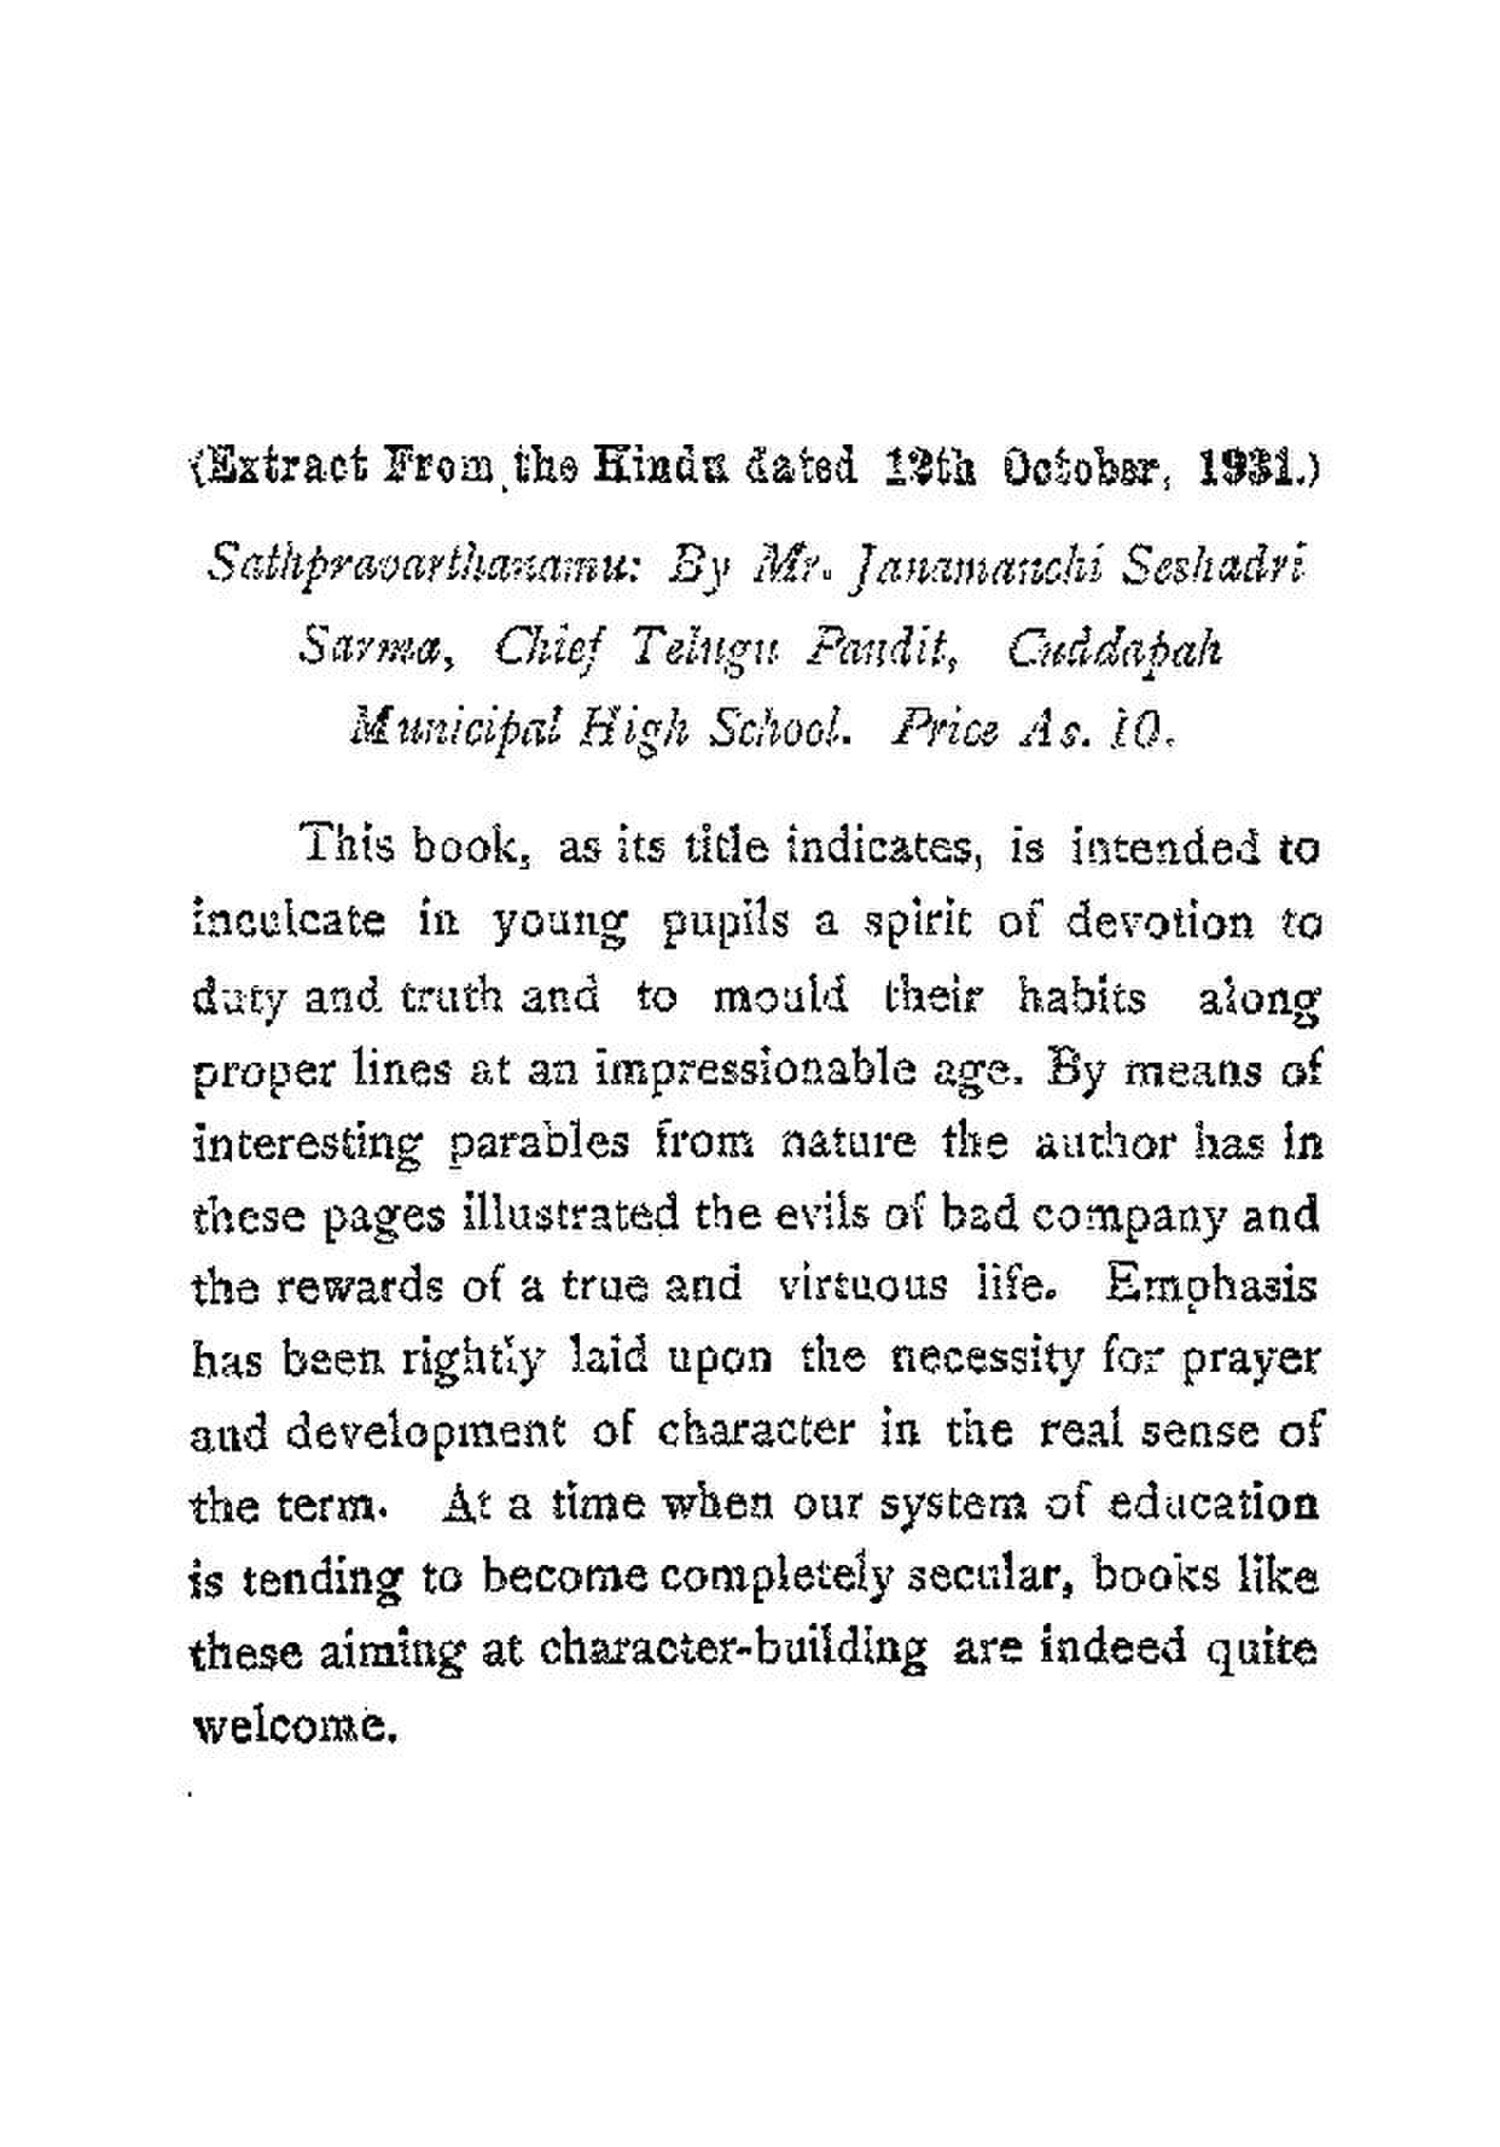This book, as its title indicates, is intended to inculcate in young pupils a spirit of devotion to duty and truth and to mould their habits along proper lines at an impressionable age. By means of interesting parables from nature the author has in these pages illustrated the evils of bad company and the rewards of a true and virtuous life. Emphasis has been righty laid upon the necessity for prayer and development of character in the real sense of the term. At a time when our system of education is tending to become completely secular, books like these aiming at character-building are indeed quite welcome.